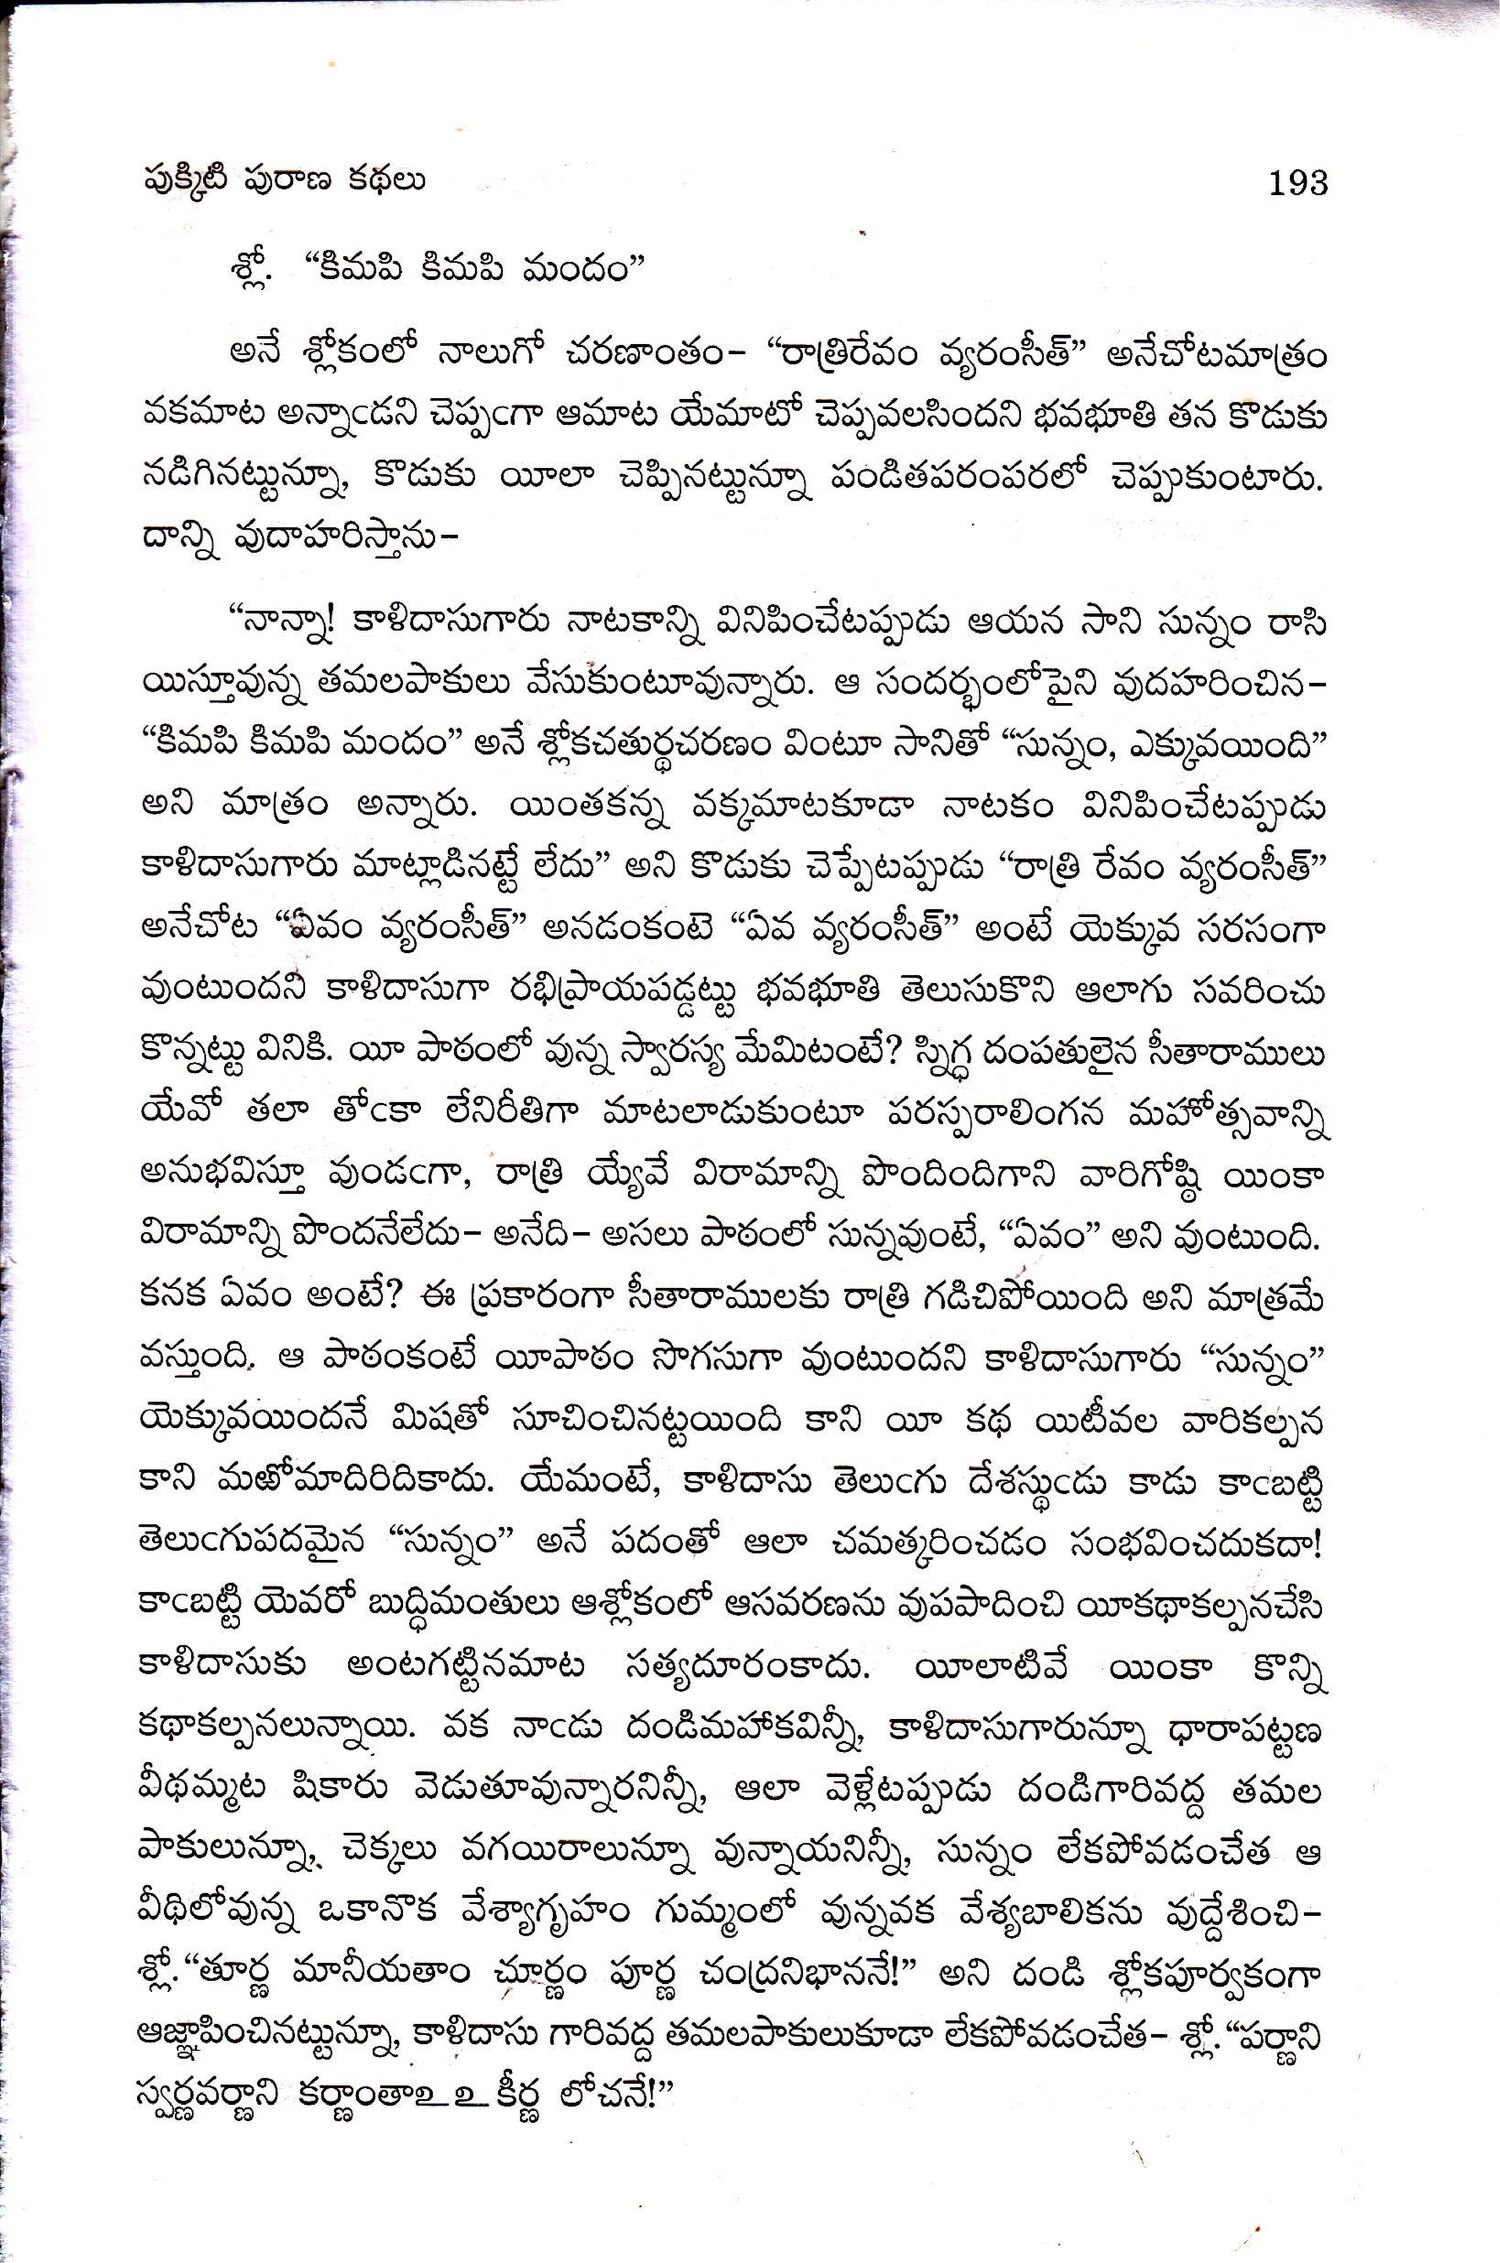శ్లో. “కిమపి కిమపి మందం”

అనే శ్లోకంలో నాలుగో చరణాంతం- "రాత్రిరేవం వ్యరంసీత్" అనేచోటమాత్రం వకమాట అన్నాఁడని చెప్పఁగా ఆమాట యేమాటో చెప్పవలసిందని భవభూతి తన కొడుకు నడిగినట్టున్నూ కొడుకు యీలా చెప్పినట్టున్నూ పండితపరంపరలో చెప్పుకుంటారు. దాన్ని వుదాహరిస్తాను- -

"నాన్నా! కాళిదాసుగారు నాటకాన్ని వినిపించేటప్పుడు ఆయన సాని సున్నం రాసి యిసూవున్న తమలపాకులు వేసుకుంటూవున్నారు. ఆ సందర్భంలోపైని వుదహరించిన-“కిమపి కిమపి మందం” అనే శ్లోకచతుర్థచరణం వింటూ సానితో “సున్నం, ఎక్కువయింది" అని మాత్రం అన్నారు. యింతకన్న వక్కమాటకూడా నాటకం వినిపించేటప్పుడు కాళిదాసుగారు మాట్లాడినట్టే లేదు" అని కొడుకు చెప్పేటప్పుడు "రాత్రి రేవం వ్యరంసీత్" అనేచోట "ఏవం వ్యరంసీత్" అనడంకంటె “ఏవ వ్యరంసీత్" అంటే యెక్కువ సరసంగా వుంటుందని కాళిదాసుగా రభిప్రాయపడ్డట్టు భవభూతి తెలుసుకొని ఆలాగు సవరించు కొన్నట్టు వినికి. యీ పాఠంలో వున్న స్వారస్యమేమిటంటే? స్నిద్ధ దంపతులైన సీతారాములు యేవో తలా తోఁకా లేనిరీతిగా మాటలాడుకుంటూ పరస్పరాలింగన మహోత్సవాన్ని అనుభవిస్తూ వుండఁగా, రాత్రి య్యేవే విరామాన్ని పొందిందిగాని వారిగోష్ఠి యింకా విరామాన్ని పొందనేలేదు- అనేది- అసలు పాఠంలో సున్నవుంటే, “ఏవం” అని వుంటుంది. కనక ఏవం అంటే? ఈ ప్రకారంగా సీతారాములకు రాత్రి గడిచిపోయింది అని మాత్రమే వస్తుంది, ఆ పాఠంకంటే యీపాఠం సొగసుగా వుంటుందని కాళిదాసుగారు “సున్నం" యెక్కువయిందనే మిషతో సూచించినట్టయింది కాని యీ కథ యిటీవల వారికల్పన కాని మఱోమాదిరిదికాదు. యేమంటే, కాళిదాసు తెలుఁగు దేశస్థుఁడు కాడు కాఁబట్టి తెలుఁగుపదమైన “సున్నం” అనే పదంతో ఆలా చమత్కరించడం సంభవించదుకదా! కాఁబట్టి యెవరో బుద్ధిమంతులు ఆశ్లోకంలో ఆసవరణను వుపపాదించి యీకథాకల్పనచేసి కాళిదాసుకు అంటగట్టినమాట సత్యదూరంకాదు. యీలాటివే యింకా కొన్ని కథాకల్పనలున్నాయి. వక నాఁడు దండిమహాకవిన్నీ కాళిదాసుగారున్నూ ధారాపట్టణ వీథమ్మట షికారు వెడుతూవున్నారనిన్నీ ఆలా వెళ్లేటప్పుడు దండిగారివద్ద తమల పాకులున్నూ చెక్కలు వగయిరాలున్నూ వున్నాయనిన్నీ సున్నం లేకపోవడంచేత ఆ వీథిలోవున్న ఒకానొక వేశ్యాగృహం గుమ్మంలో వున్నవక వేశ్యబాలికను వుద్దేశించి-శ్లో"తూర్ణ మానీయతాం చూర్ణం పూర్ణ చంద్రనిభాననే!" అని దండి శ్లోకపూర్వకంగా ఆజ్ఞాపించినట్టున్నూ కాళిదాసు గారివద్ద తమలపాకులుకూడా లేకపోవడంచేత-శ్లో"పర్ణాని స్వర్ణవర్ణాని కర్ణాంతా౽౽కీర్ణ లోచనే!"